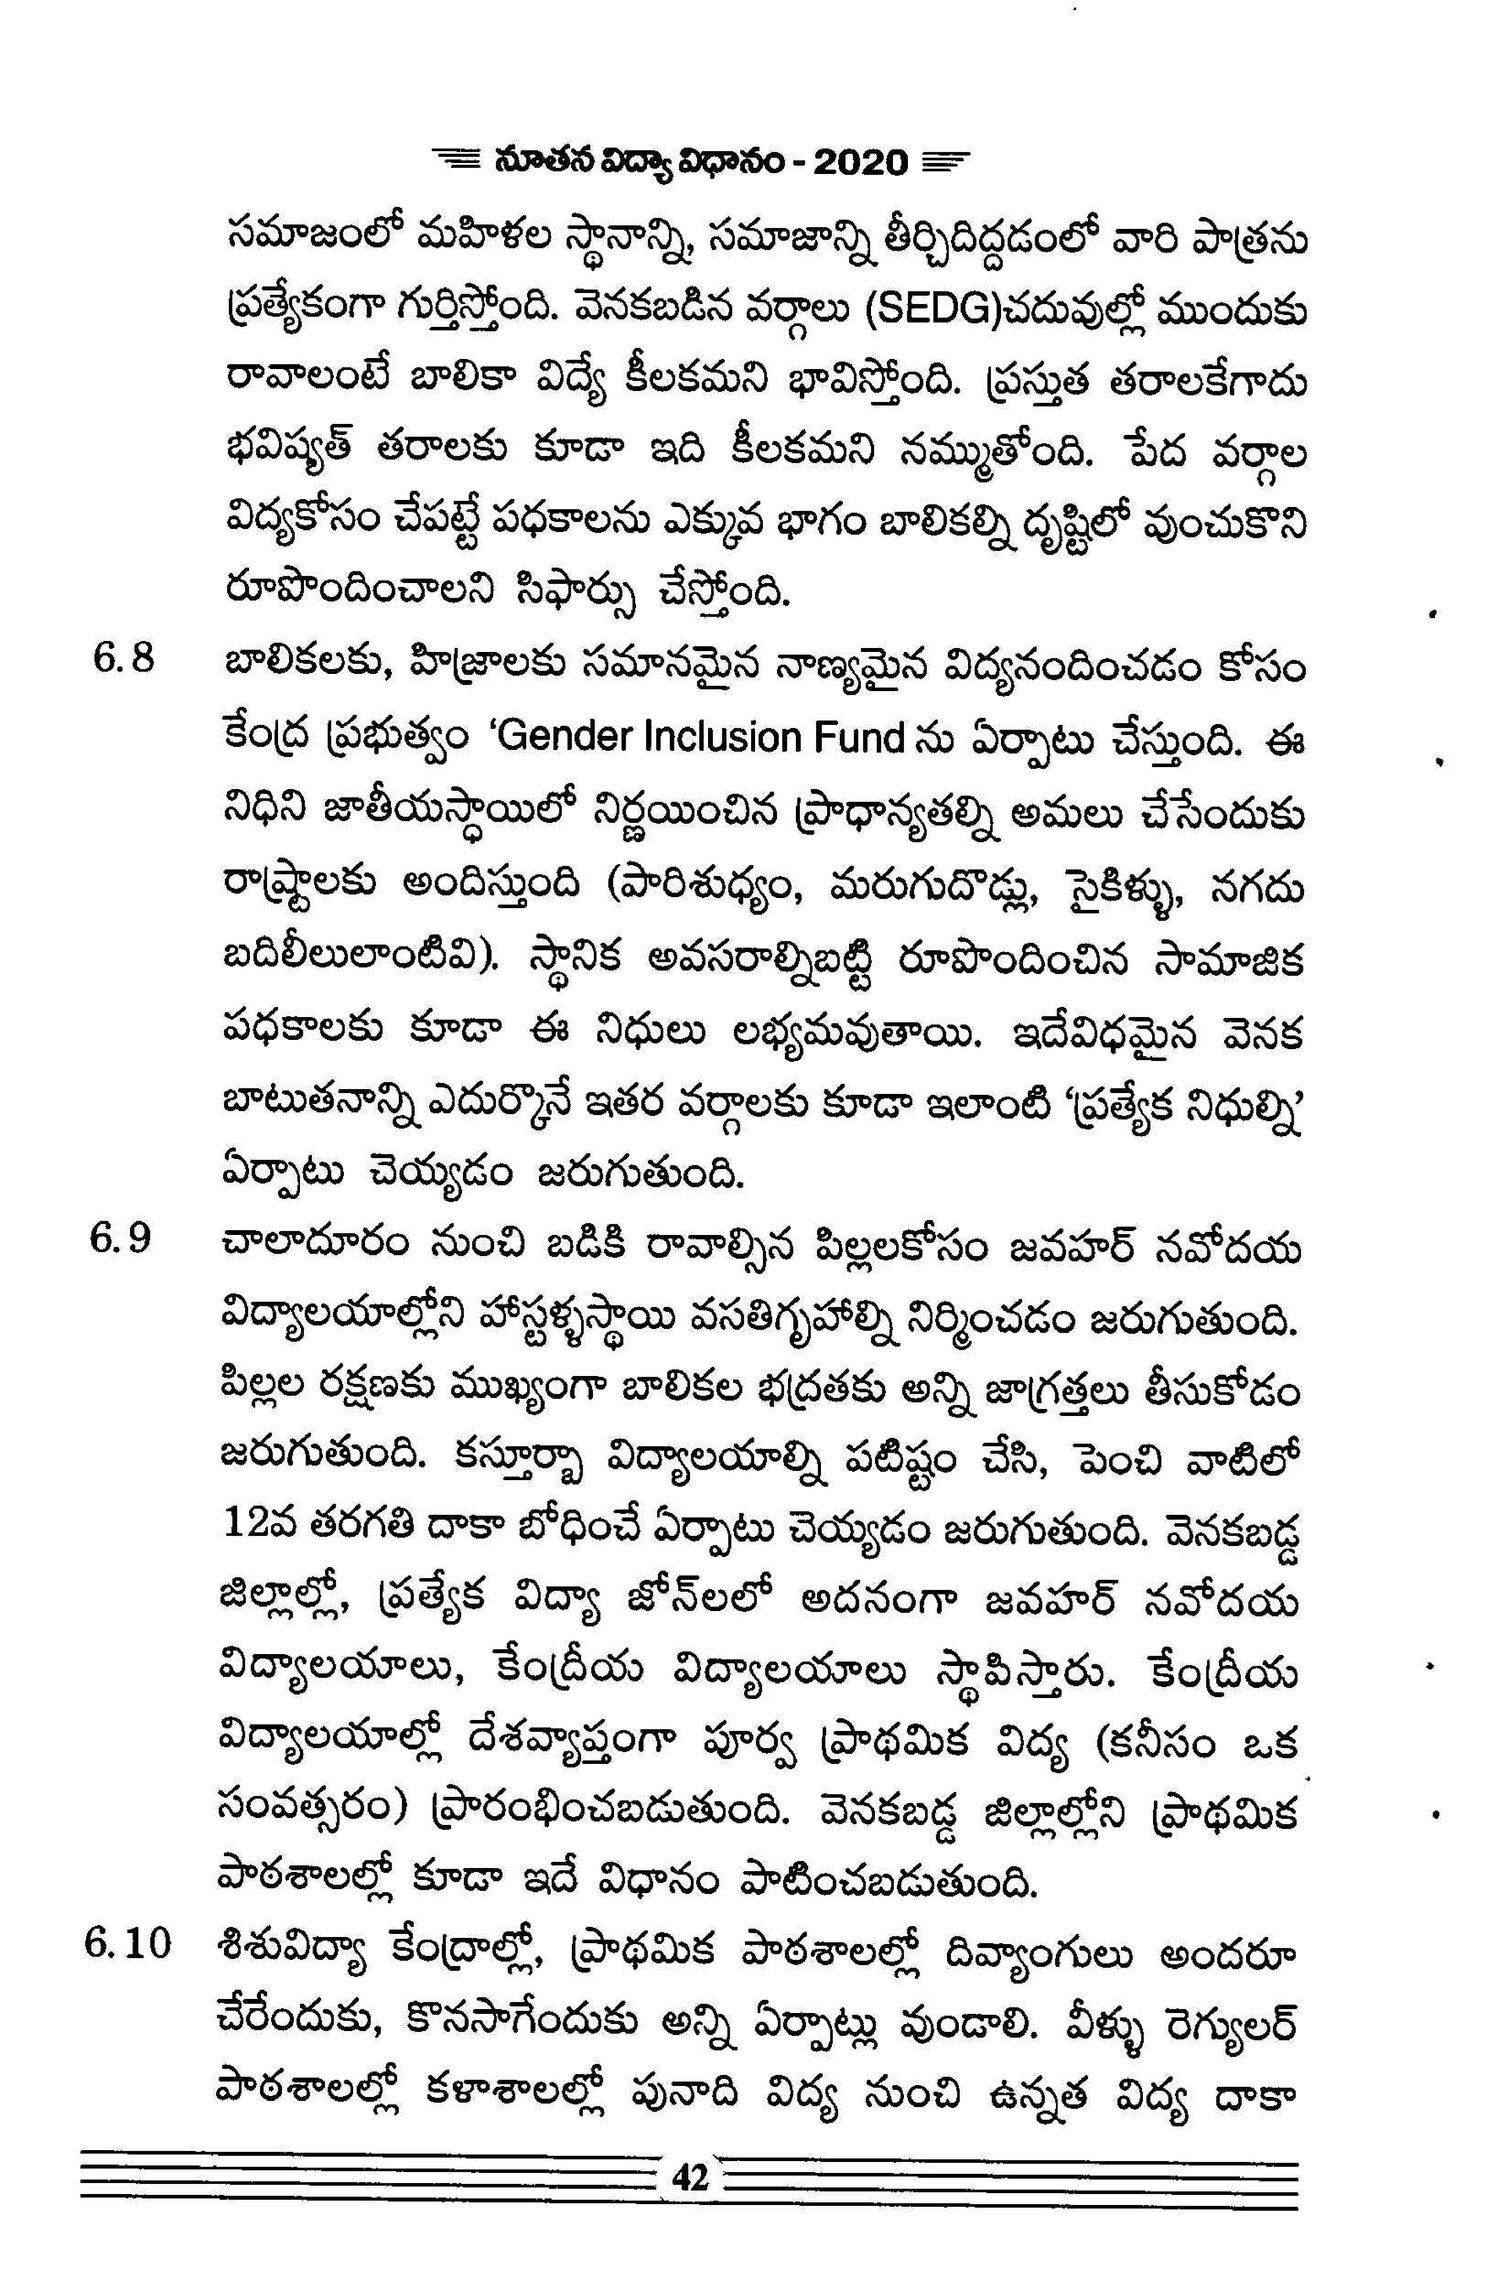సమాజంలో మహిళల స్థానాన్ని, సమాజాన్ని తీర్చిదిద్దడంలో వారి పాత్రను
ప్రత్యేకంగా గుర్తిస్తోంది. వెనకబడిన వర్గాలు (SEDG)చదువుల్లో ముందుకు
రావాలంటే బాలికా విద్యే కీలకమని భావిస్తోంది. ప్రస్తుత తరాలకేగాదు
భవిష్యత్ తరాలకు కూడా ఇది కీలకమని నమ్ముతోంది. పేద వర్గాల
విద్యకోసం చేపట్టే పథకాలను ఎక్కువ భాగం బాలికల్ని దృష్టిలో ఉంచుకొని రూపొందించాలని సిఫార్సు చేస్తోంది.
6.8 బాలికలకు, హిజ్రాలకు సమానమైన నాణ్యమైన విద్యనందించడం కోసం కేంద్ర ప్రభుత్వం 'Gender Inclusion Fund ను ఏర్పాటు చేస్తుంది. ఈ నిధిని జాతీయస్థాయిలో నిర్ణయించిన ప్రాధాన్యతల్ని అమలు చేసేందుకు రాష్ట్రాలకు అందిస్తుంది (పారిశుధ్యం, మరుగుదొడ్లు, సైకిళ్లు, నగదు బదిలీలులాంటివి). స్థానిక అవసరాల్నిబట్టి రూపొందించిన సామాజిక పధకాలకు కూడా ఈ నిధులు లభ్యమవుతాయి. ఇదేవిధమైన వెనక బాటుతనాన్ని ఎదుర్కొనే ఇతర వర్గాలకు కూడా ఇలాంటి 'ప్రత్యేక నిధులను' ఏర్పాటు చేయడం జరుగుతుంది.
6.9చాలాదూరం నుంచి బడికి రావాల్సిన పిల్లలకోసం జవహర్ నవోదయ
విద్యాలయాల్లోని హాస్టళ్ళస్థాయి వసతిగృహాల్ని నిర్మించడం జరుగుతుంది.
పిల్లల రక్షణకు ముఖ్యంగా బాలికల భద్రతకు అన్ని జాగ్రత్తలు తీసుకోడం
జరుగుతుంది. కస్తూర్బా విద్యాలయాల్ని పటిష్టం చేసి, పెంచి వాటిలో
12వ తరగతి దాకా బోధించే ఏర్పాటు చెయ్యడం జరుగుతుంది. వెనకబడ్డ
జిల్లాల్లో, ప్రత్యేక విద్యా జోన్లలో అదనంగా జవహర్ నవోదయ
విద్యాలయాలు, కేంద్రీయ విద్యాలయాలు స్థాపిస్తారు. కేంద్రీయ
విద్యాలయాల్లో దేశవ్యాప్తంగా పూర్వ ప్రాథమిక విద్య (కనీసం ఒక
సంవత్సరం) ప్రారంభించబడుతుంది. వెనకబడ్డ జిల్లాల్లోని ప్రాథమిక
పాఠశాలల్లో కూడా ఇదే విధానం పాటించబడుతుంది.
6.10 శిశు విద్యా కేంద్రాల్లో, ప్రాథమిక పాఠశాలల్లో దివ్యాంగులు అందరూ
చేరేందుకు, కొనసాగేందుకు అన్ని ఏర్పాట్లు వుండాలి. వీళ్ళు సాధారణ పాఠశాలల్లో కళాశాలల్లో పునాది విద్య నుంచి ఉన్నత విద్య దాకా